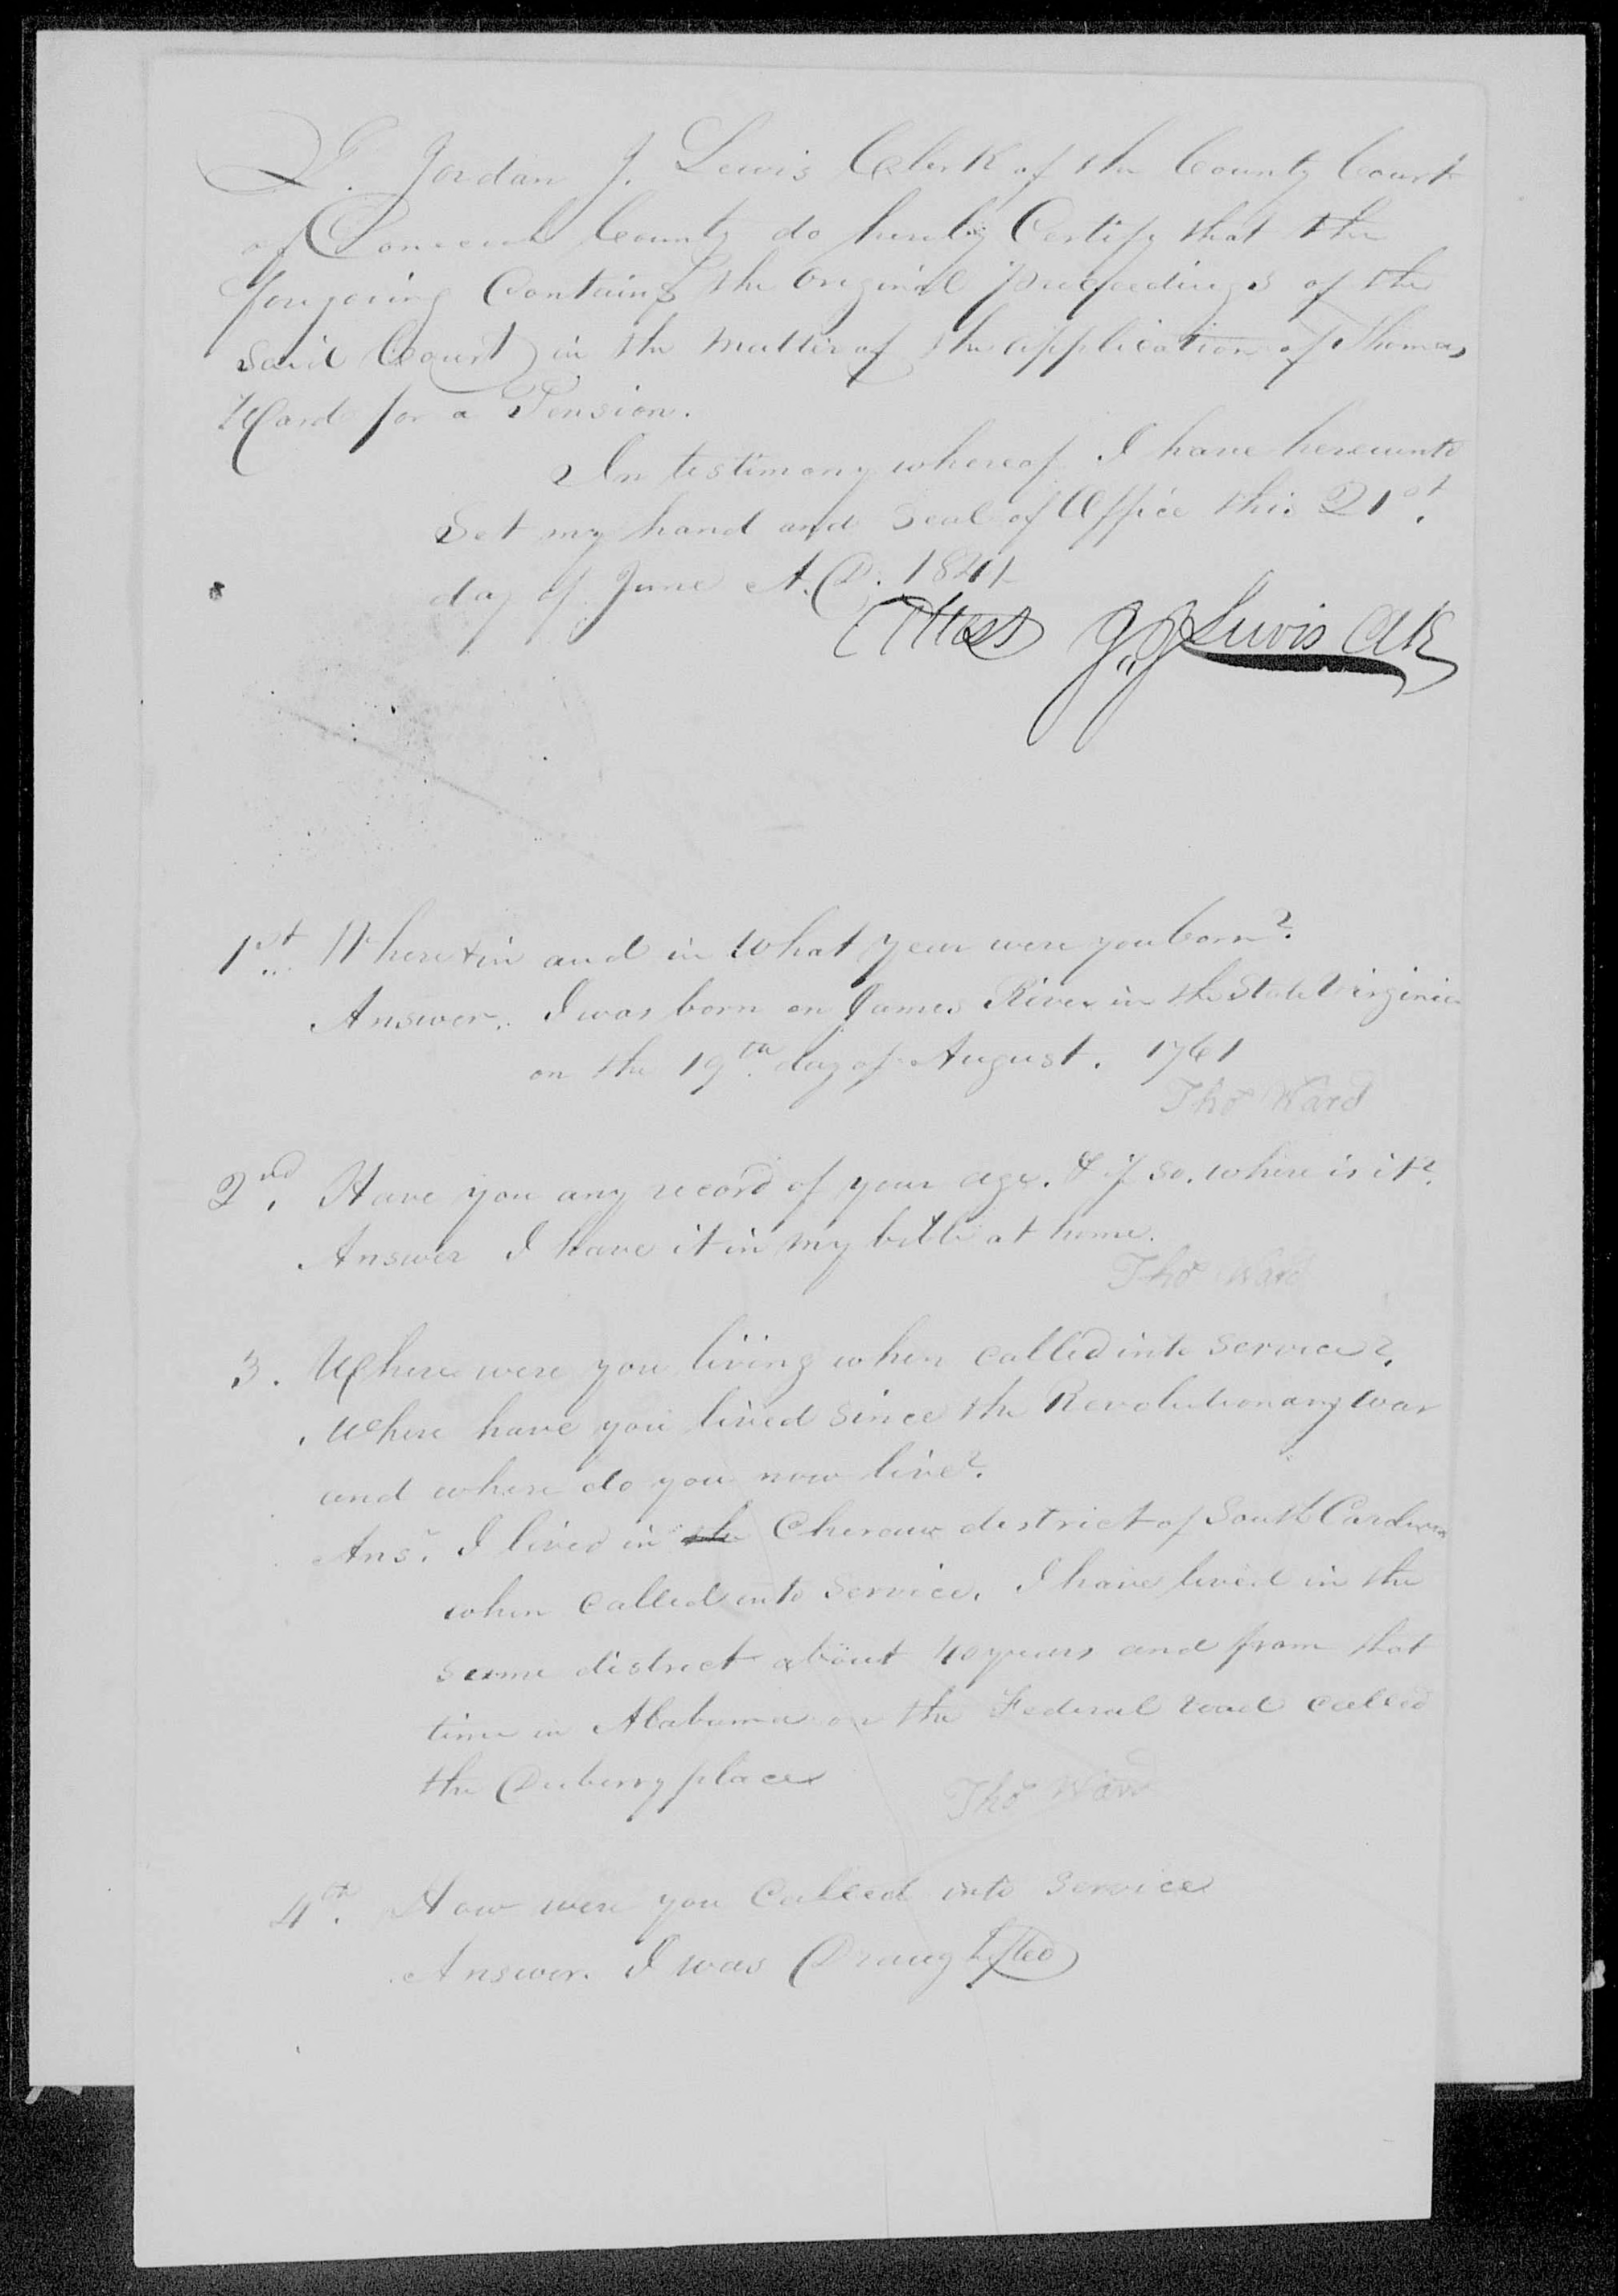I. Jordan J. Lewis Clerk of the County Court of Conecuh County do hereby Certify that the foregoing contains the original proceedings of the said Court in the matter of the application of Thomas Ward for a Pension.
In testimony whereof I have hereunto Set my hand and Seal of Office this 21st. day of June A. D. 1841
Attest   J..J Lewis. Clk


1st..   Where +[and] in and in what year were you born?
Answer:  I was born on James River in the State Virginia on the 19th. day of August.  1761
Thos Ward

2nd.  Have you any record of your age. &[and] if so, where is it?
Answer.  I have it in my bible at home.
Thos Ward

3.  Where were you living when called into service?  Where have you lived since the Revolutionary Wart and where do you now live?
Ans.  I lived in [crossed out word 'the'] Cherocee district of South Carolina when called into service.  I have lived in the same district about 40 years and from that time in Alabama on the Federal road called Duberry Place.
Thos Ward

4th.  How were you called into service.
Answer.  I was Draughfted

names: J J Lewis, Thos Ward, Thos Ward, Thomas Ward, Thos Ward, Jordan J Lewis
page: 4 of 31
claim: survivor's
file: S. 14802, Thomas Ward, S.C.